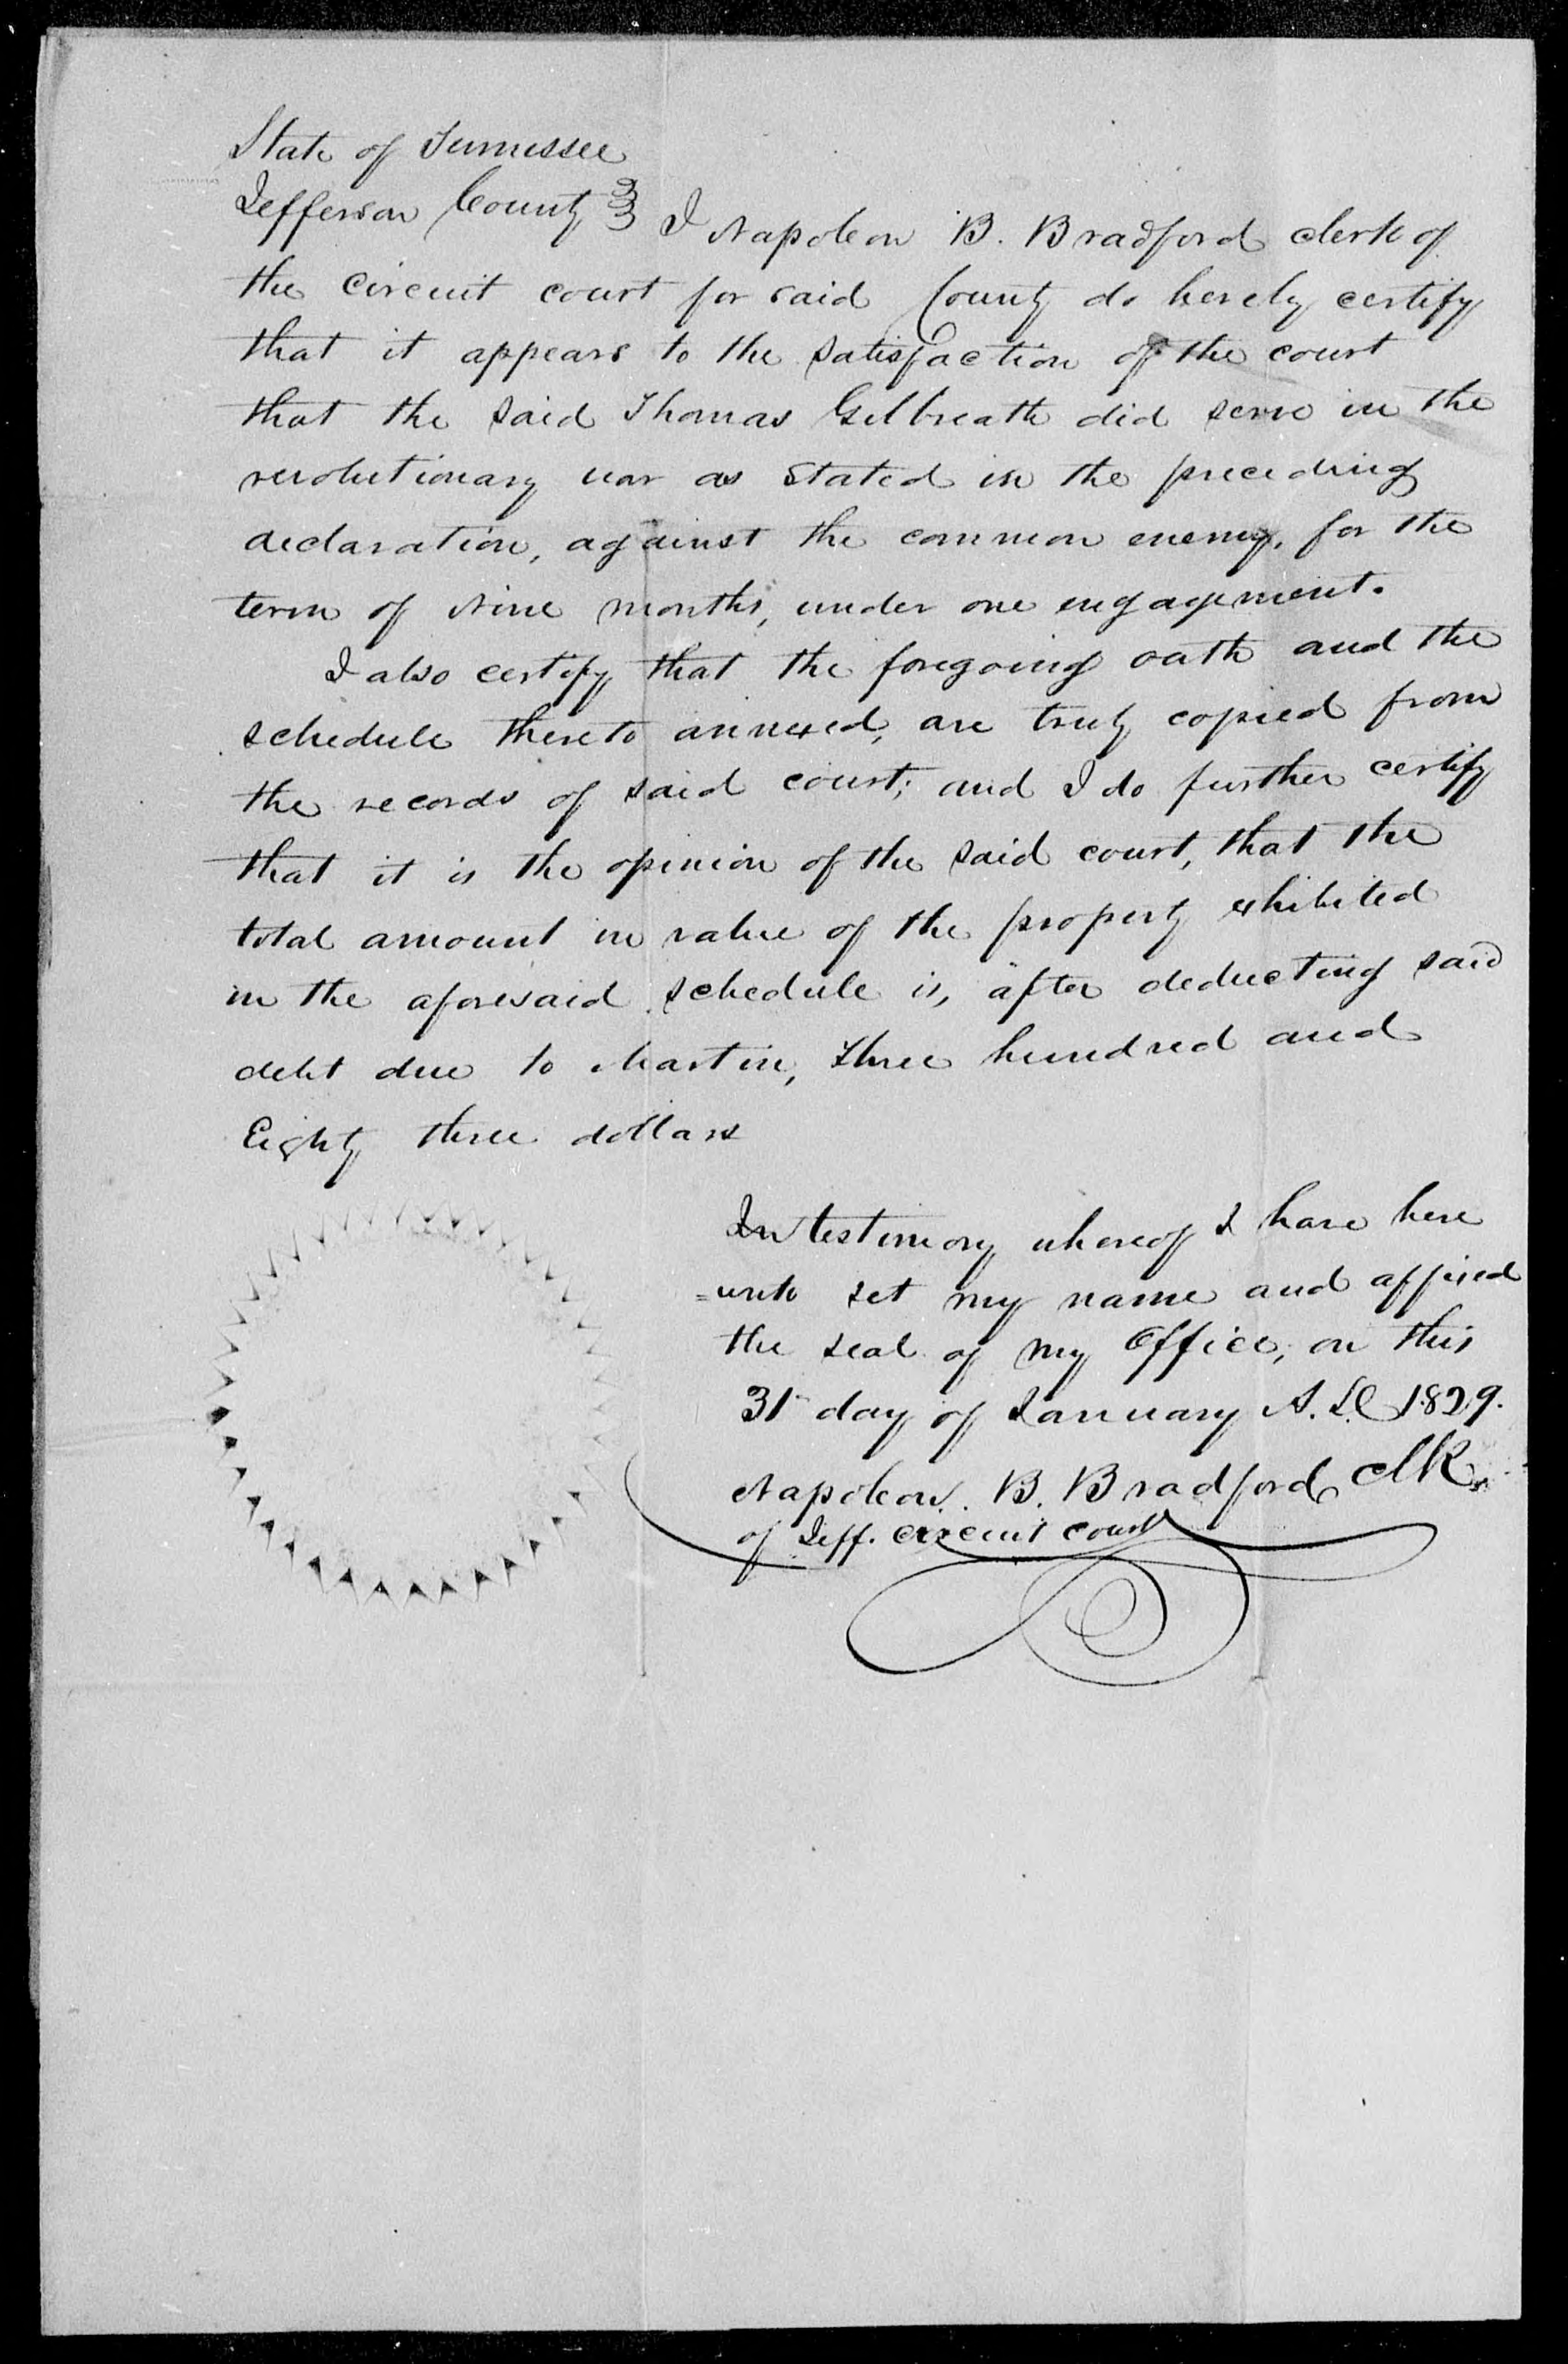State of Tennessee
Jefferson County ⎬
I Napoleon B. Bradford Clerk of the circuit court for said County do hereby certify that it appears to the satisfaction of the court that the said Thomas Gilbreath did serve in the
revolutionary war as stated in the preceding
declaration, against the common enemy, for
the term of Nine months, under one engagement.
I also certify that the foregoing oath and the
schedule thereto annexed, are truly copied from the records of said court; and I do further certify that it is the opinion of the said court, that the total amount in value of the property exhibited in the aforesaid schedule is, after deducting said debt due to Martin, three hundred and Eighty three dollars.
In testimony whereof I have here unto set my name and affixed the seal of my office, on this
31 day of January A.D. 1829.
Napoleon B. Bradford Clk.
of Jeff. Circuit Court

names: Thomas Gilbreath, Napoleon B Bradford, Napoleon B Bradford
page: 11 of 24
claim: survivor's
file: S. 38727, Thomas Gilbreath, Penn.